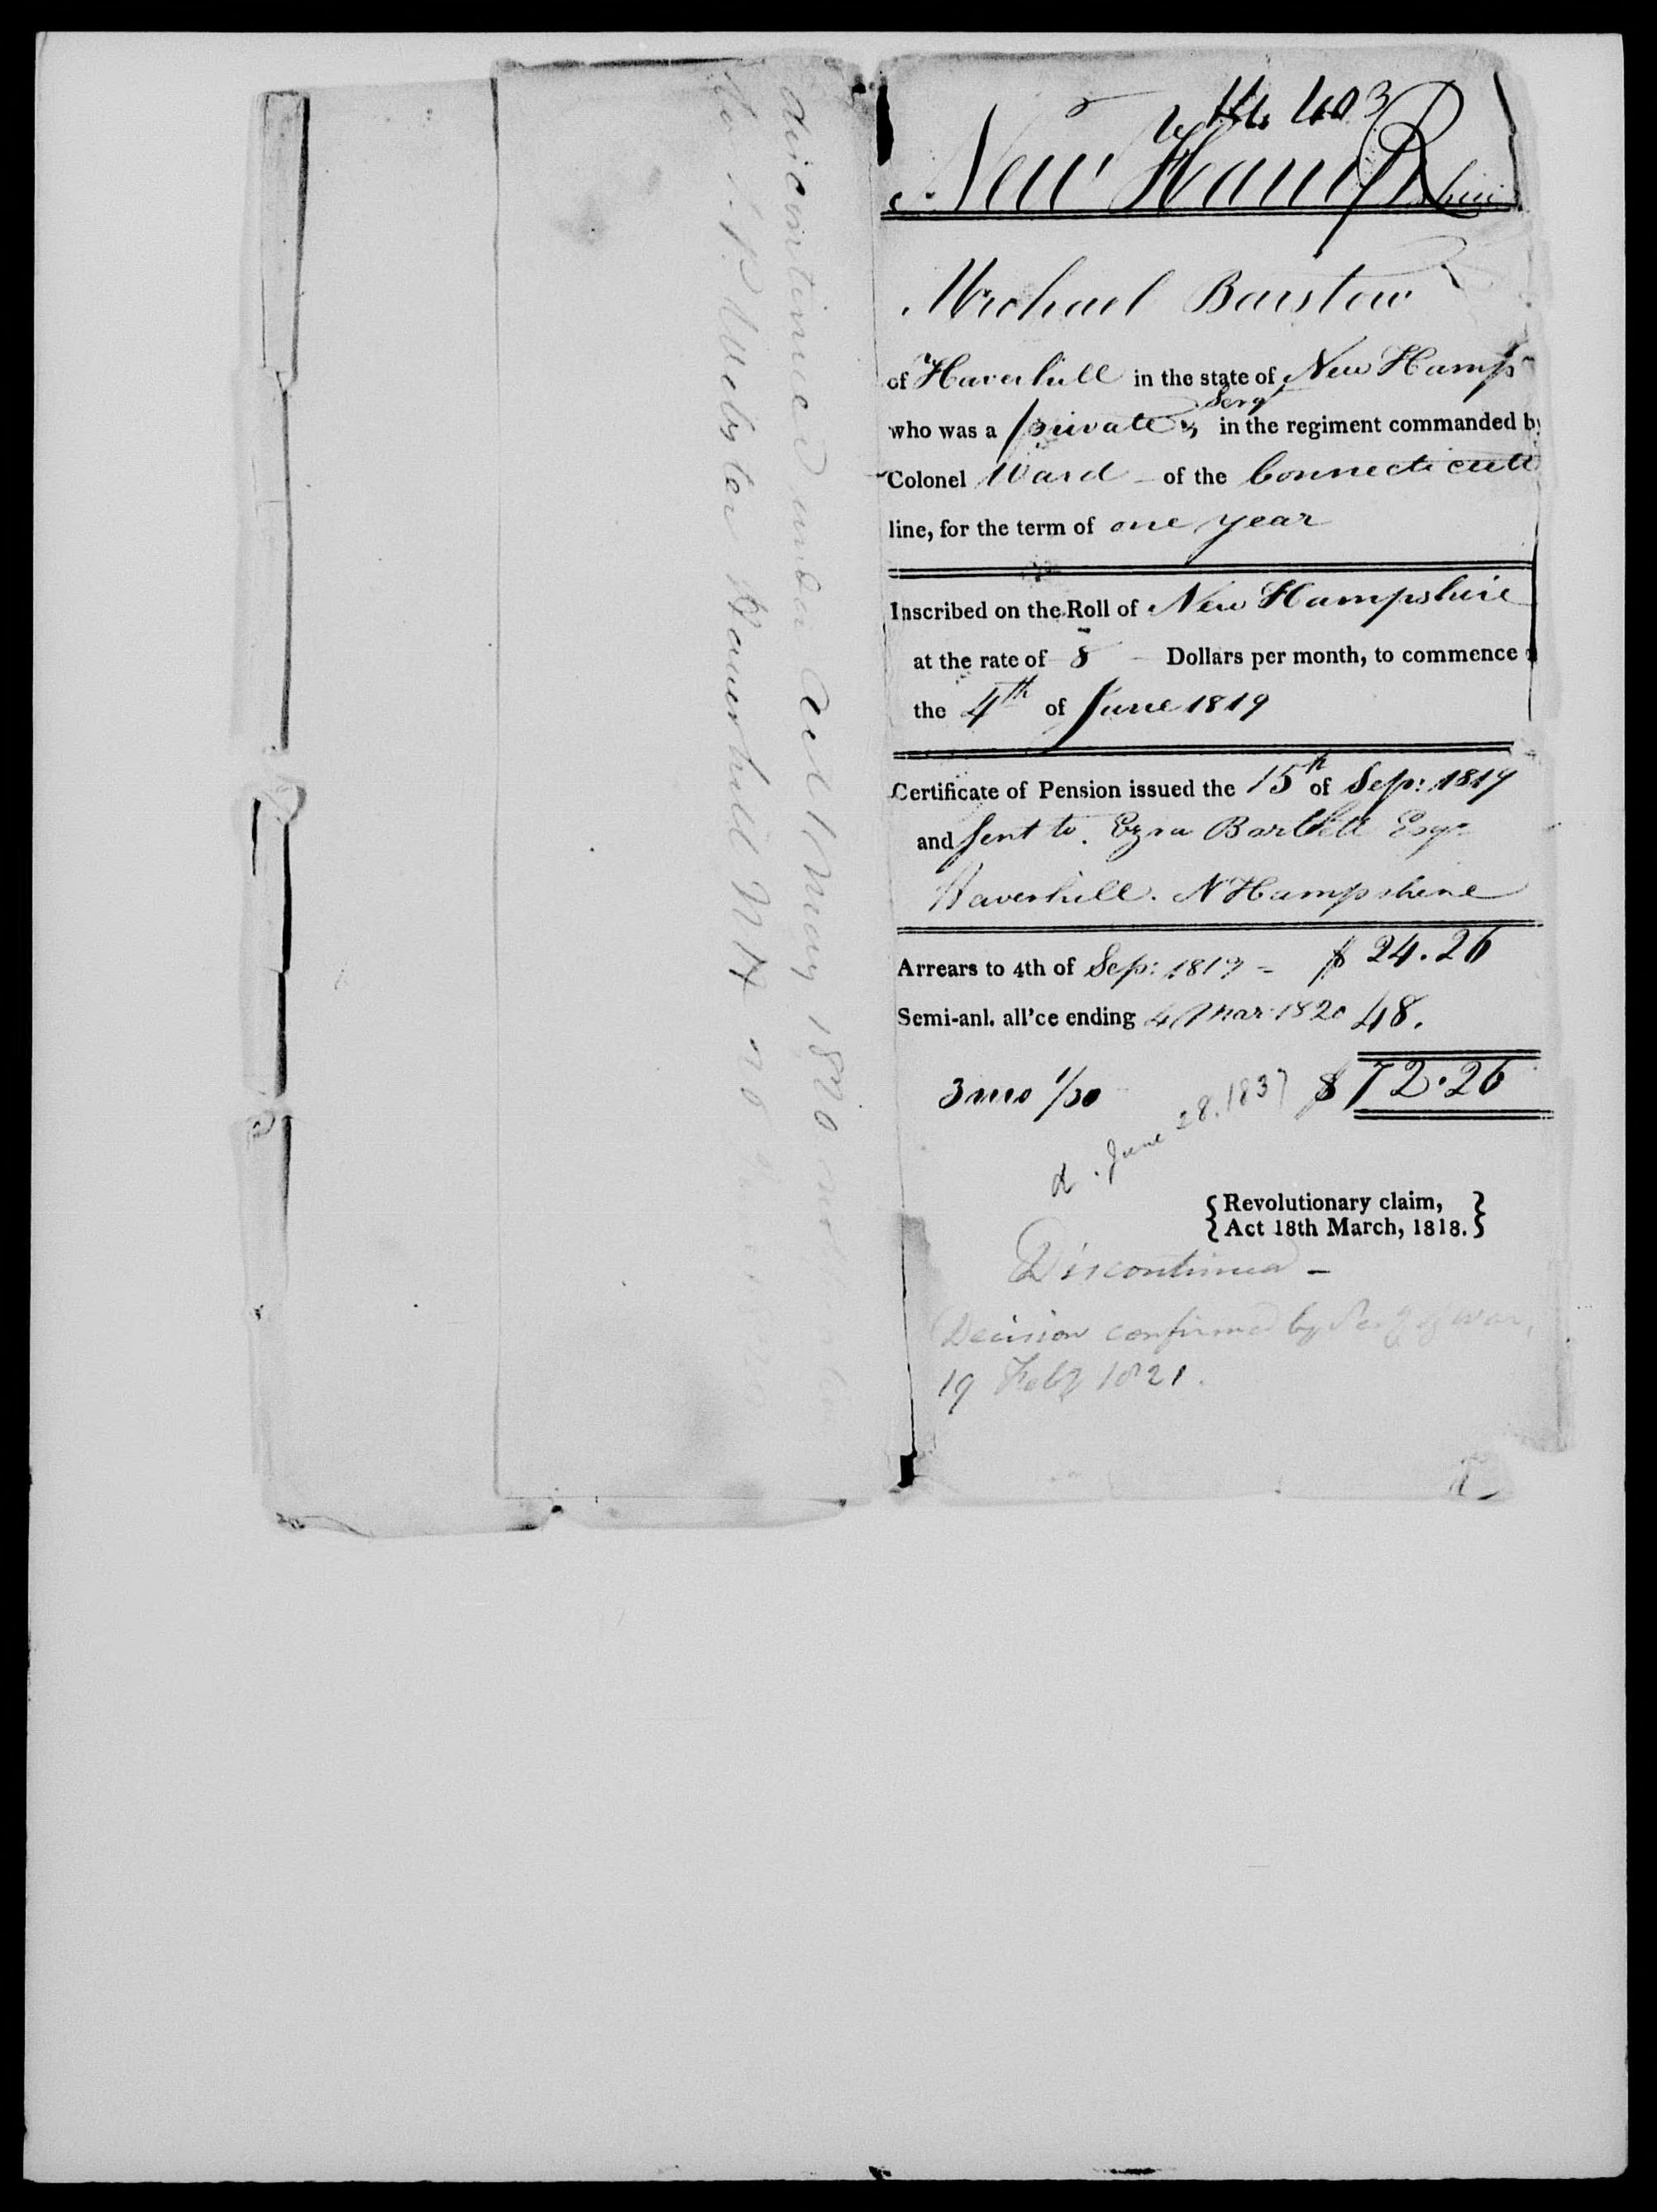[illegible]
New Hampshire
Michael Barstow
of Haverhill in the state of New Hampshire
who was a private, Sgt. in the regiment commanded by
Colonel Ward of the Connecticut 
line for the term of one year.
Inscribed on the roll of New Hampshire
at the rate of 8 dollars per month to commence on 
the 4th of June 1819.
Certificate of  Pension issued the 15th Sept 1819 
and sent to Ezra Bartlett Esq
Haverhill, NHampshire.
Arrears to the 4th of Sept 1819 $24.26
Semi anl all'ce ending 4 Mar 1820 $48.00
3 mos 1/20     $72.26

d. June 28, 1837

{Revolutionary claim,
Act 18th March, 1818}

Discontinued -
Decision confirmed by Secy of War
19 Feb 1821.


Discontinued under act May 1820.
[illegible] Webster, Haverhill NH 20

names: Michael Barstow, Ward, Ezra Bartlett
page: 2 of 22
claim: survivor's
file: S. 45,519, Michael Barstow, Conn.